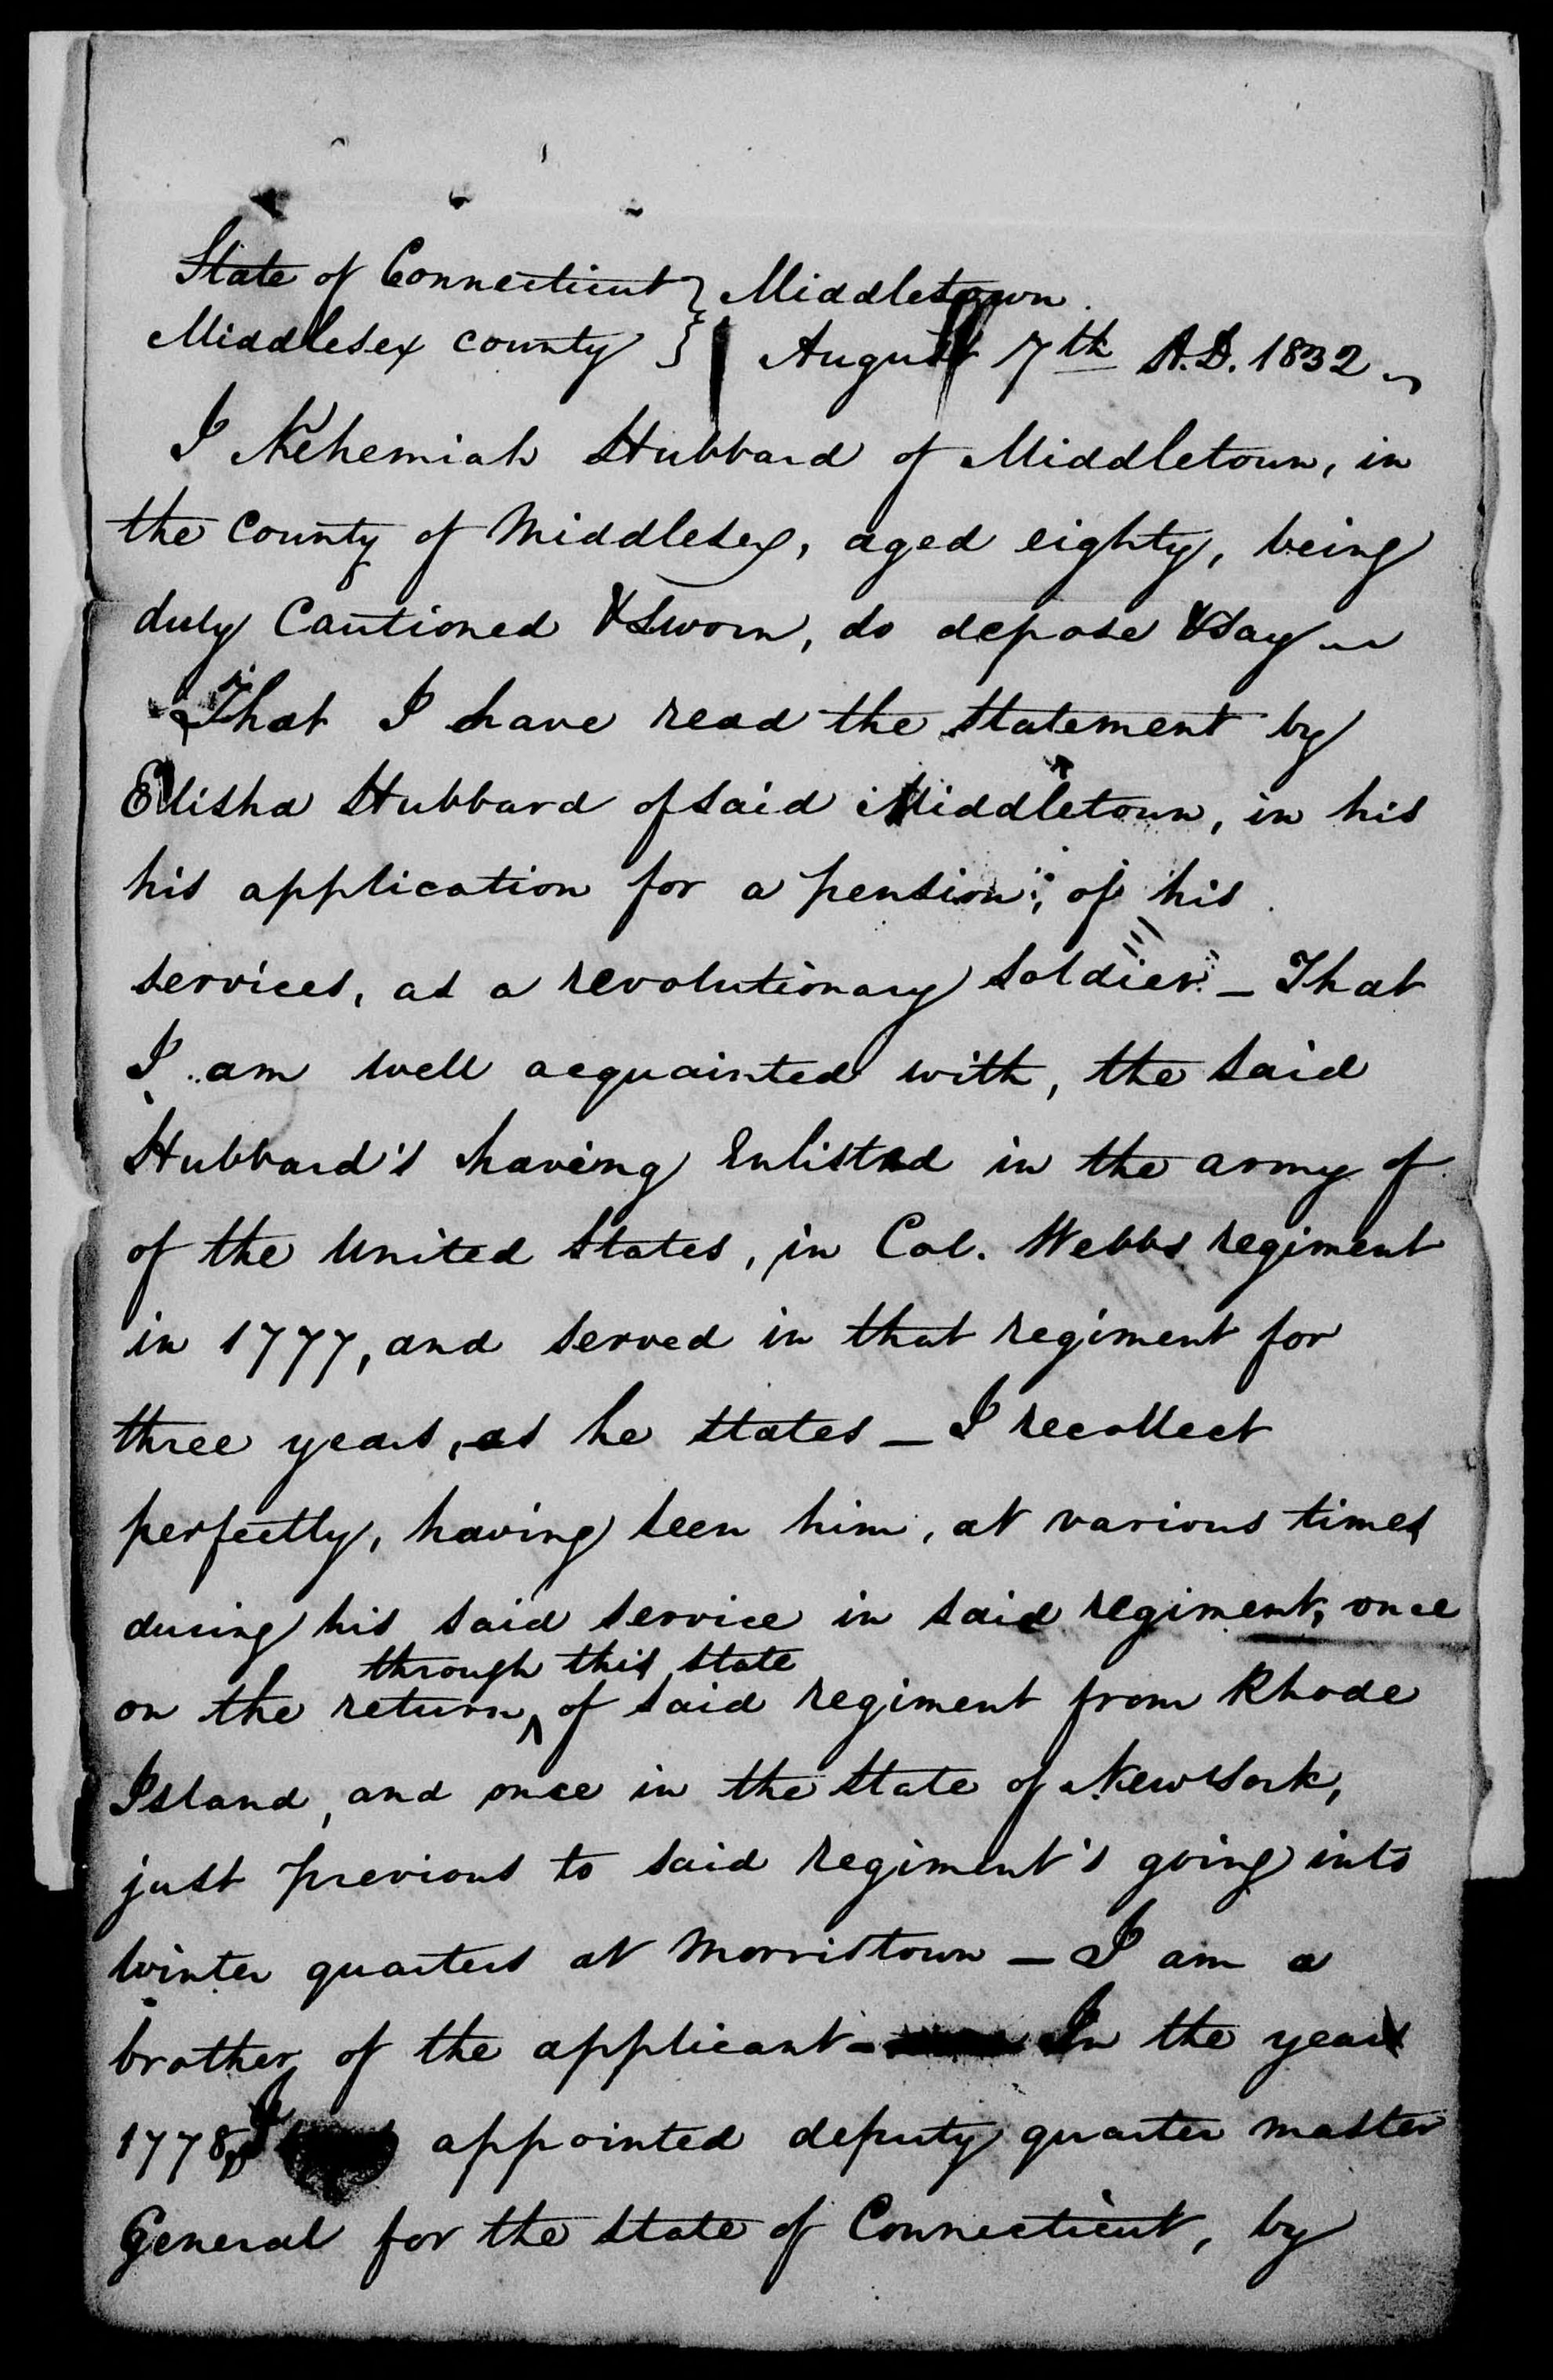State of Connecticut }   Middletown.
Middlesex county  } August 7th A.D. 1832

I Nehemiah Hubbard of Middletown, in the county  of Middlesex, aged eighty, being duly cautioned & Sworn, do depose & say __

That I have read the statement by Elisha Hubbard of said MIddletown, in his his application for a pension, of his services, as a revolutionary Soldier.  - That I am well acquainted with, the said Hubbard's haveing enlisted in the army of  of the United States, in Col. Webbs regiment in 1777, and served in that regiment for three years , as he states - I recollect perfectly, having seen him, at various times during his said Service in Said regiment, once on the return through this state of said regiment from Rhode Island, and once in the State of New York, just previous to Said regiment's going into winter quarters at Morristown - I am a brother of the applicant - In the year 1778  (smudged) appointed deputy quarter master General for the State of Connectiut, by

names: Nehemiah Hubbard, Elisha Hubbard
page: 28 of 63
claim: survivor's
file: S. 18457, Elisha Hubbard, Conn. Continental